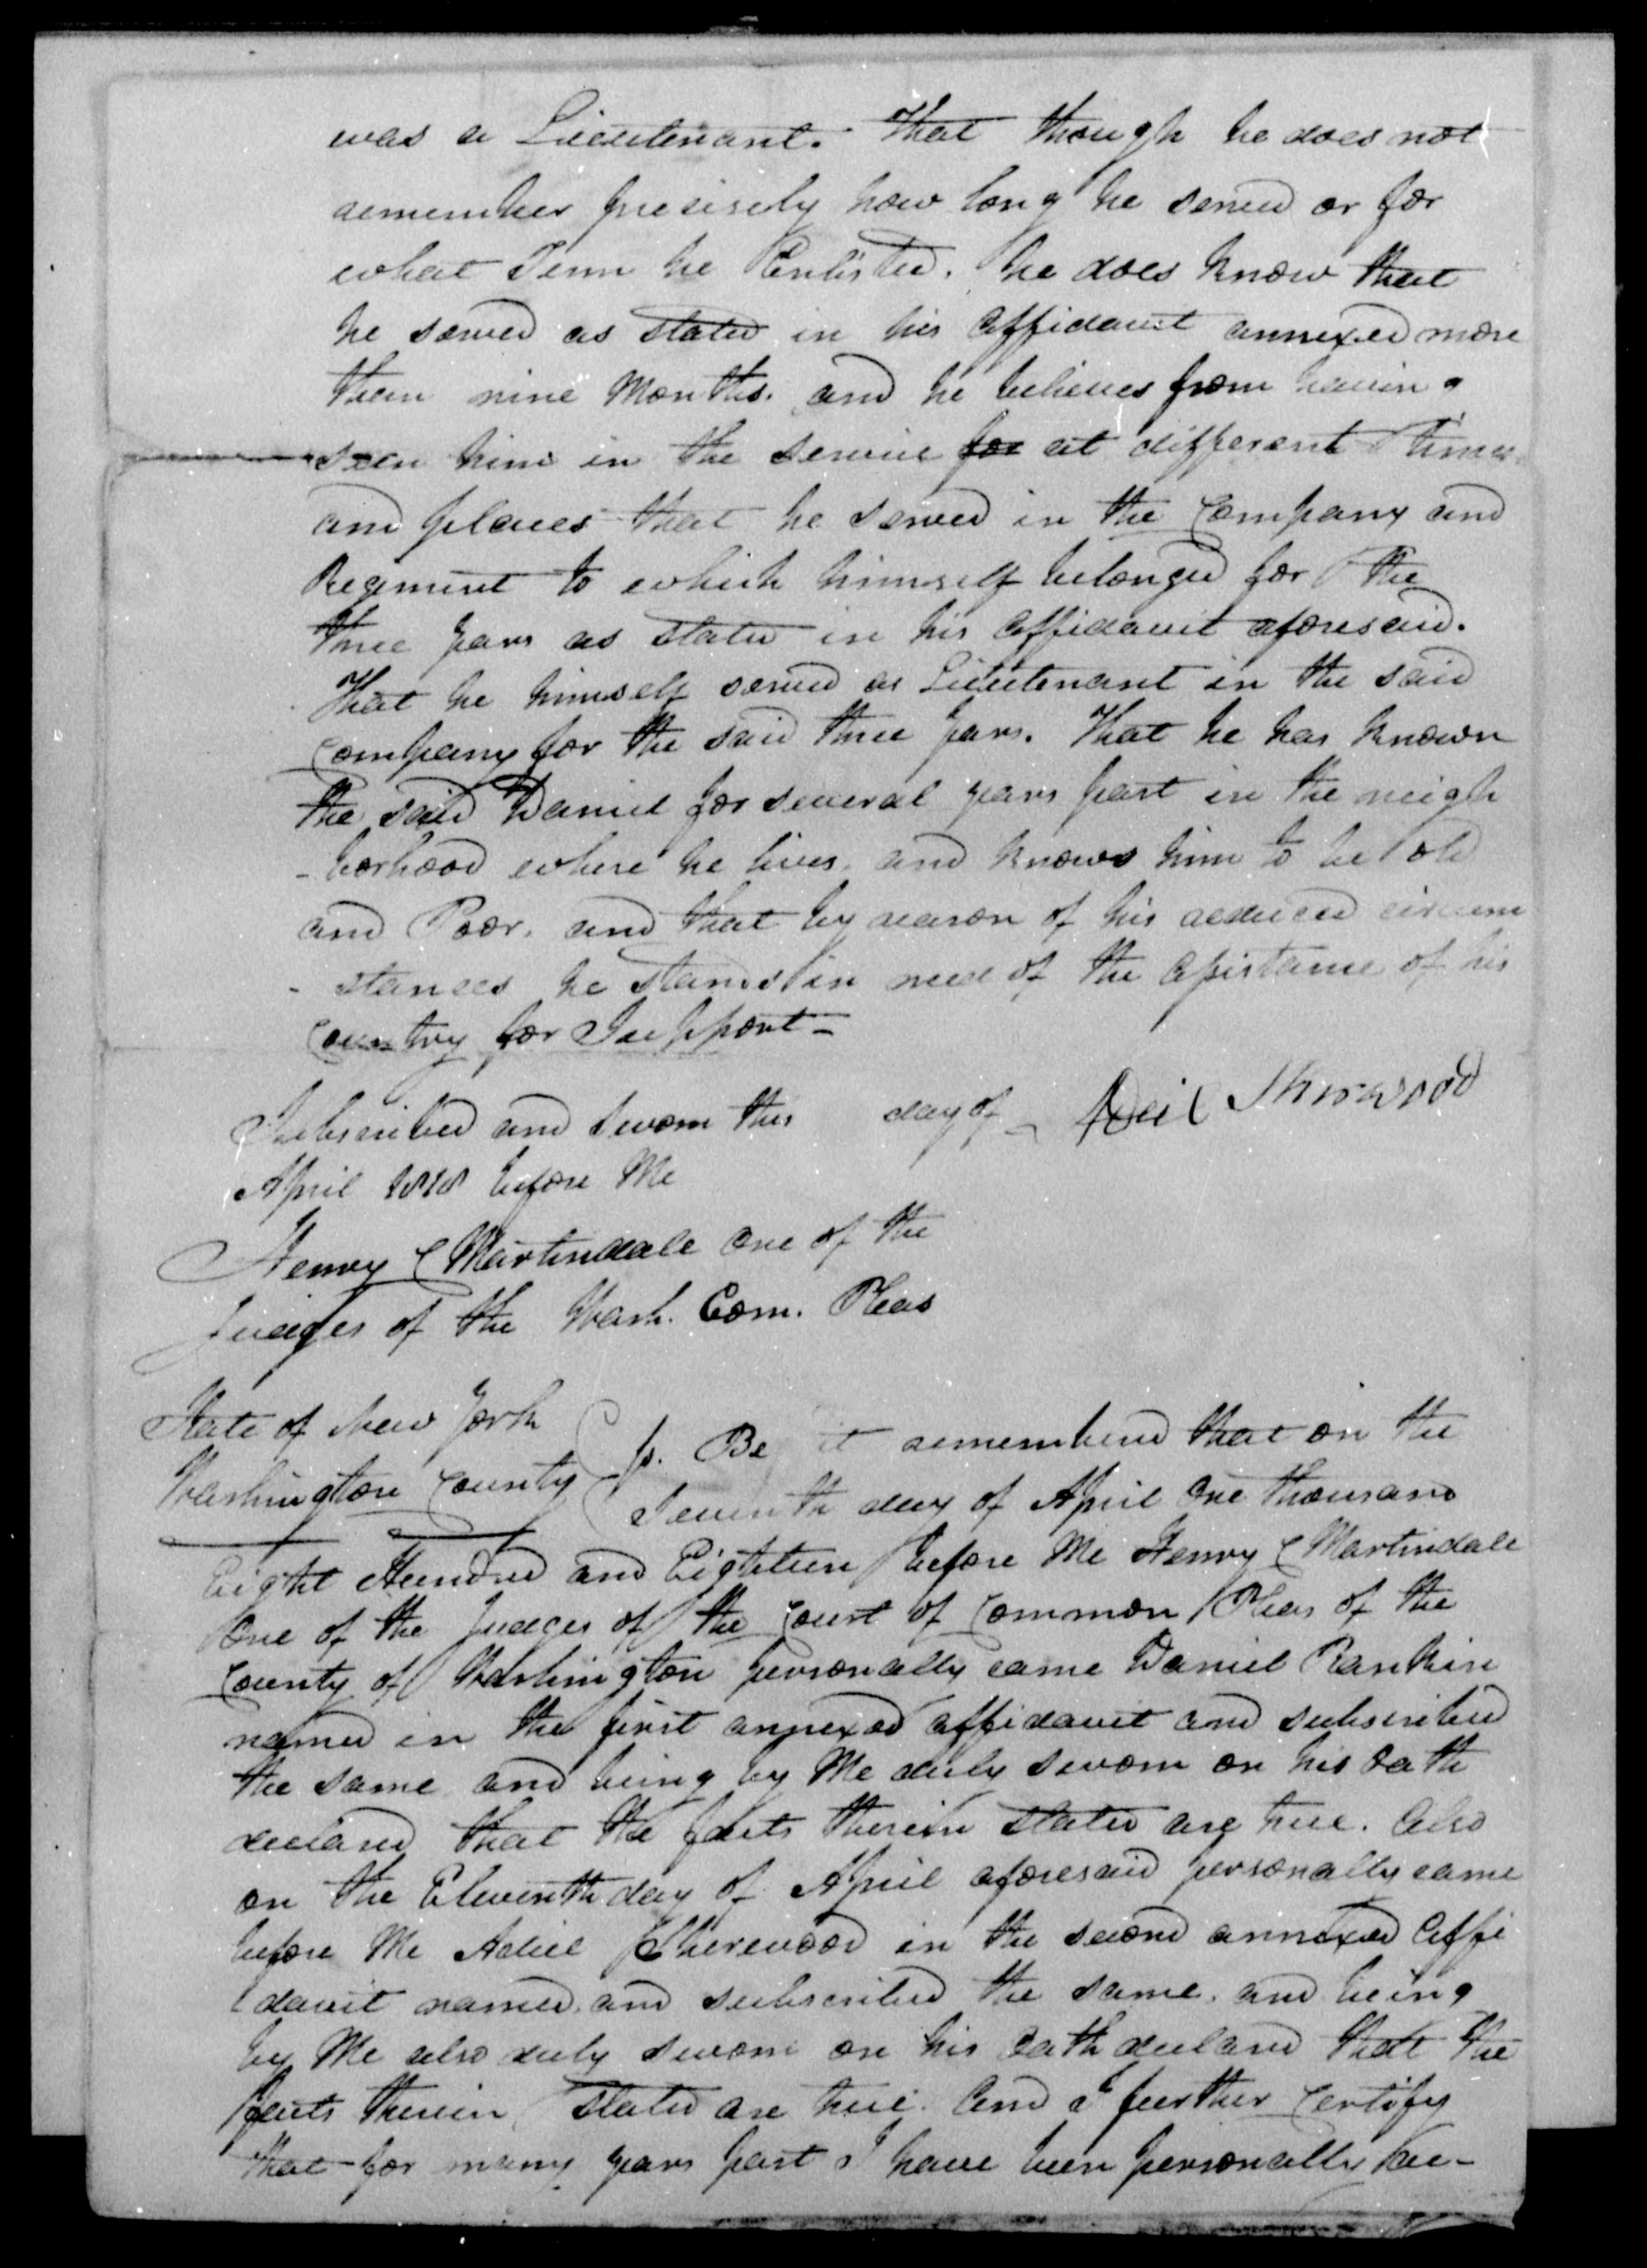was a Lieutenant. That though he does not remember precisely how long he served or for what term he enlisted, he does know that he served as stated in his affidavit annexed more than nine months and he believes from having seen him in the service at different times and places that he served in the company and regiment to which himself belonged for the three years as stated in his affidavit aforesaid. That he himself served as Lieutenant in the said company for the said three years. That he has known the said Daniel Rankin for several years part in the neighborhood where he lives, and knows him to be old and poor, and that by reason of his reduced circumstances he stands in need of the assistance of his country for support.
Adiel Sherwood

Subscribed and sworn this (blank) day of April 1818 before me
Henry C Martindale one of the Judges of the Wash. Com. Pleas

State of New York Washington County SS
Be it remembered that on the seventh day of April one thousand eight hundred and eighteen before me Henry C Martindale one of the Judges of the Court of Common Pleas of the County of Washington personally came Daniel Rankin named in the first annexed affidavit and subscribed the same and being by me duly sworn on his oath declares that the parts therein stated are true. Also on the eleventh day of April aforesaid personally came before me Adiel Sherwood in the second annexed affidavit named and subscribed the same, and being by me also duly sworn on his oath declares that the parts therein stated are true. And I further certify that for many years past I have been personally ac-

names: Adiel Sherwood; Daniel [BLANK]; Adiel Sherwood; Henry C Martindale; Daniel Rankin; Henry C Martindale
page: 9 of 27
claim: survivor's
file: S. 43897, for Daniel Rankin, New York